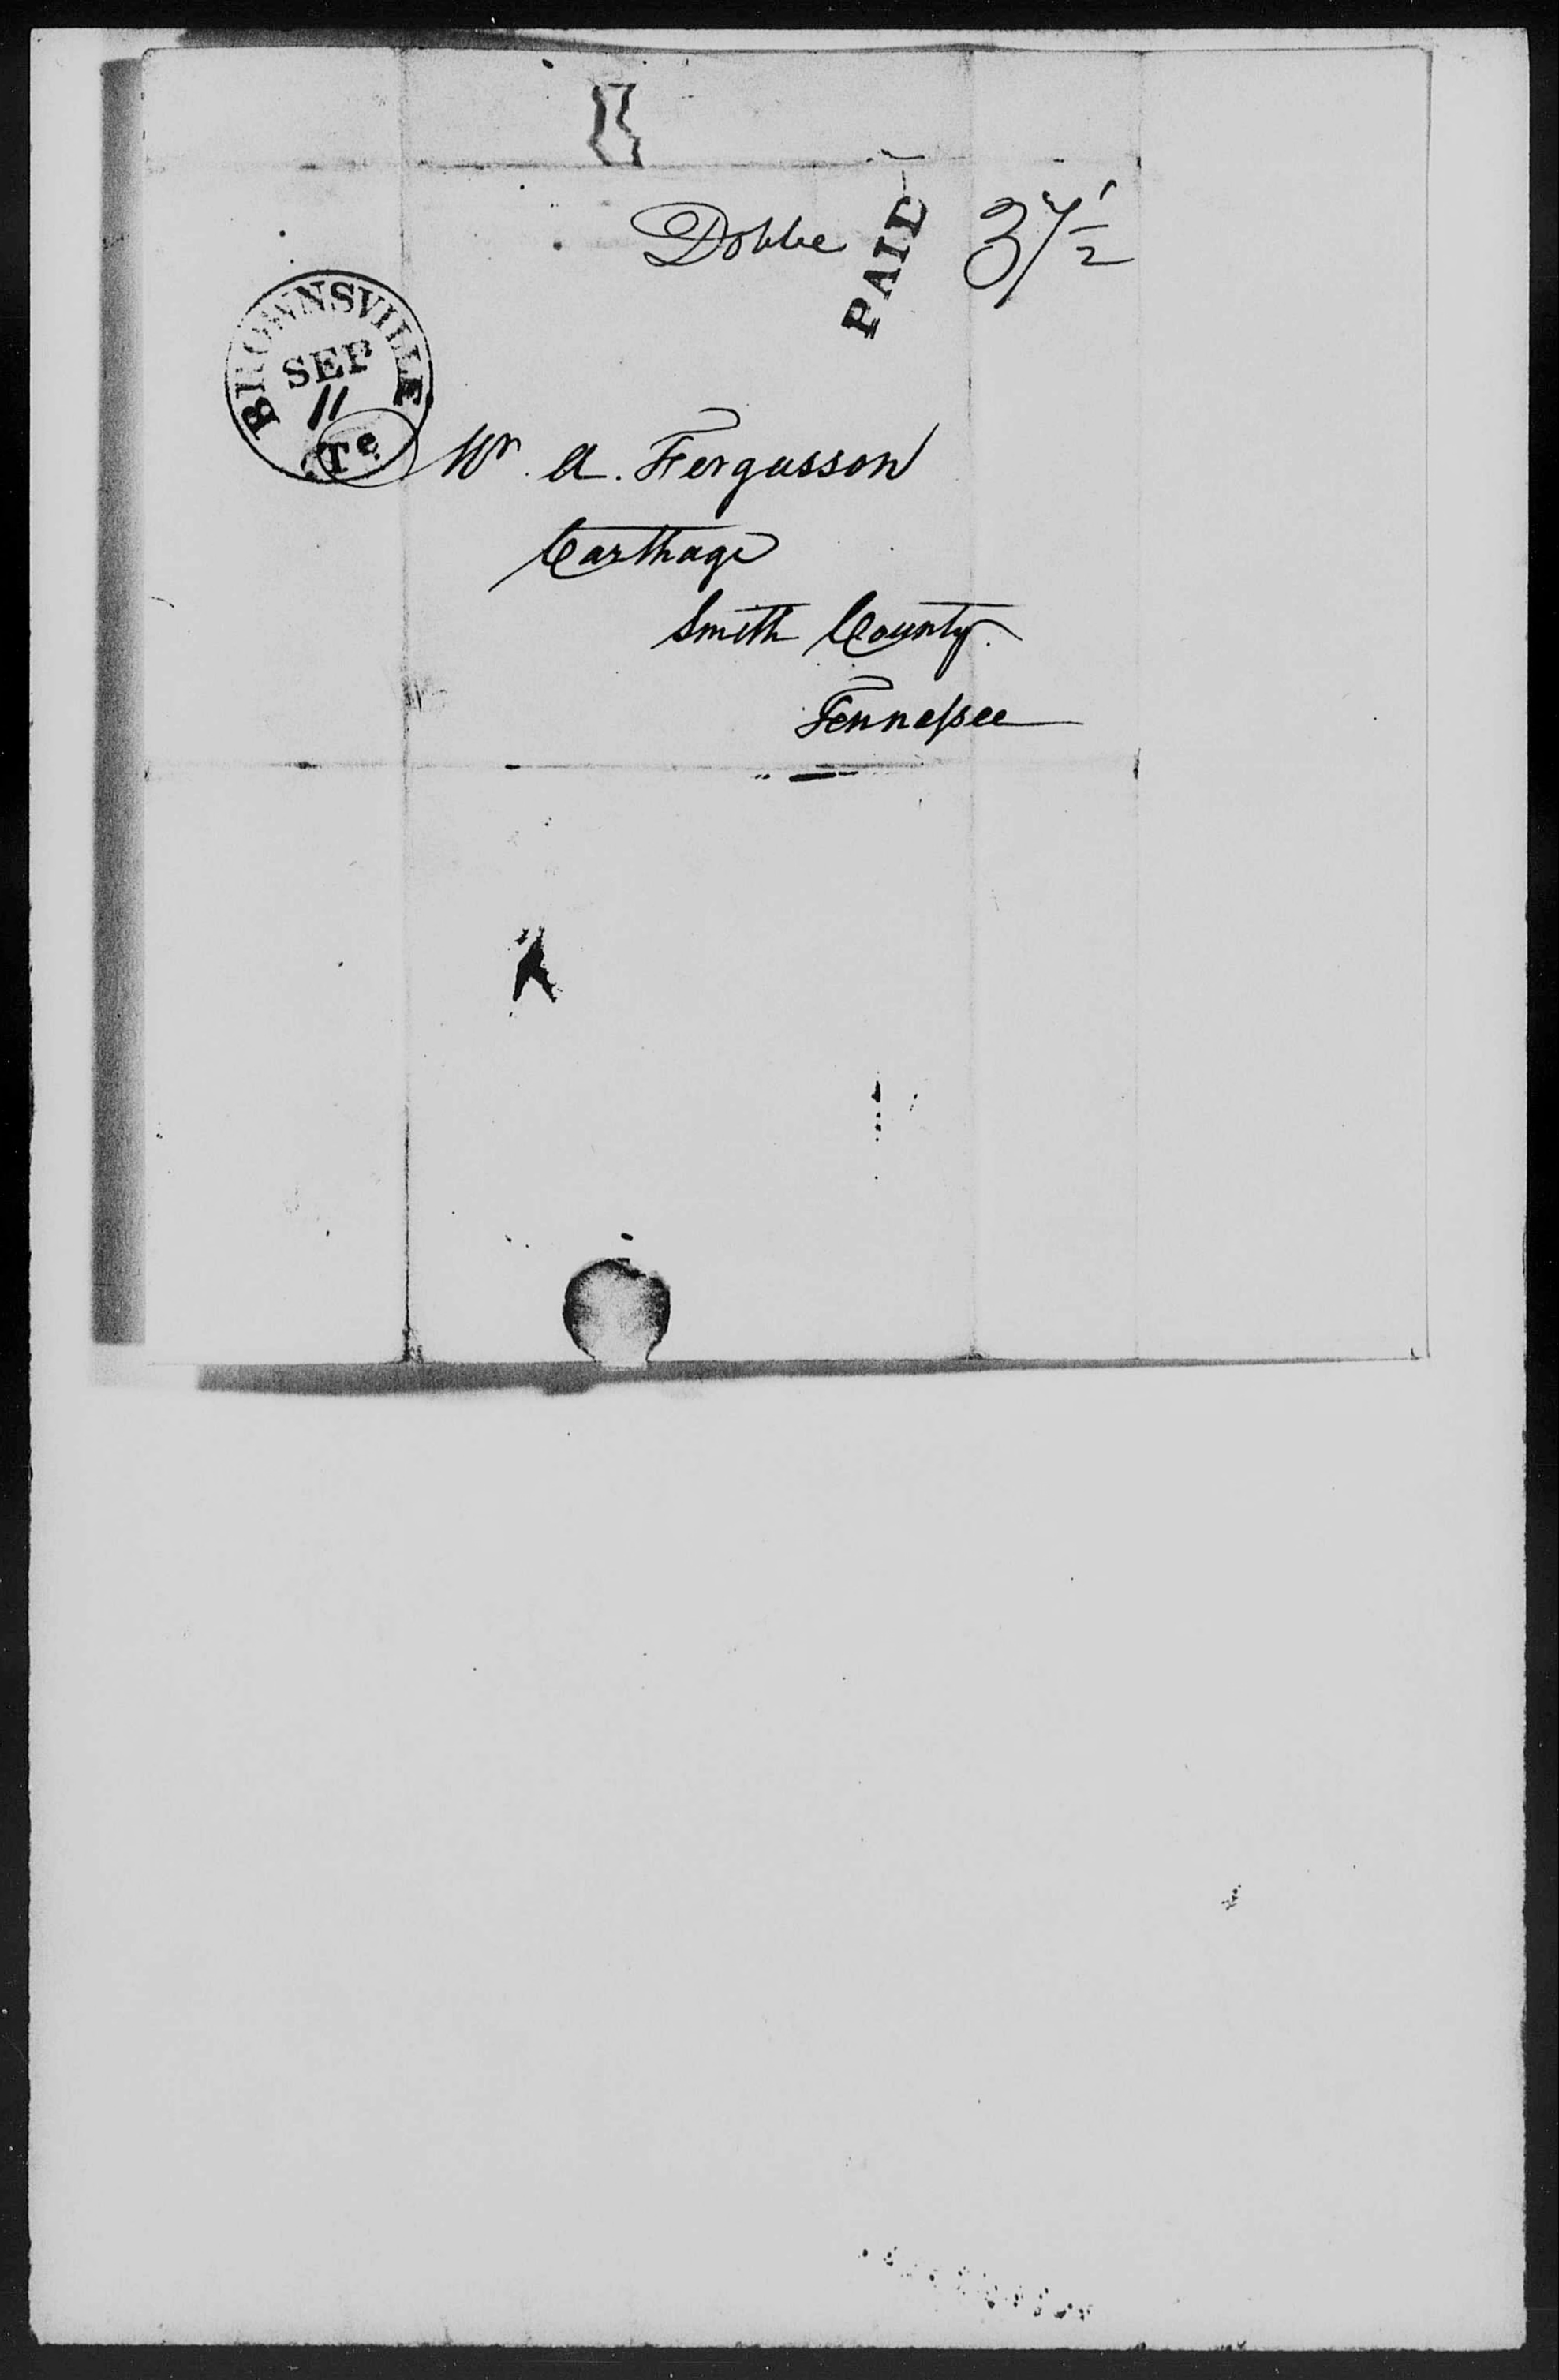Dobbe [stamped vertically] PAID 37 1//2
[round stamp] Brownsville Sep 11 Te.
W A Fergusson
Carthage
Smith County 
Tennessee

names: A Fergusson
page: 39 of 62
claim: widow's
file: W 7005, Frederick Debow, N.C.